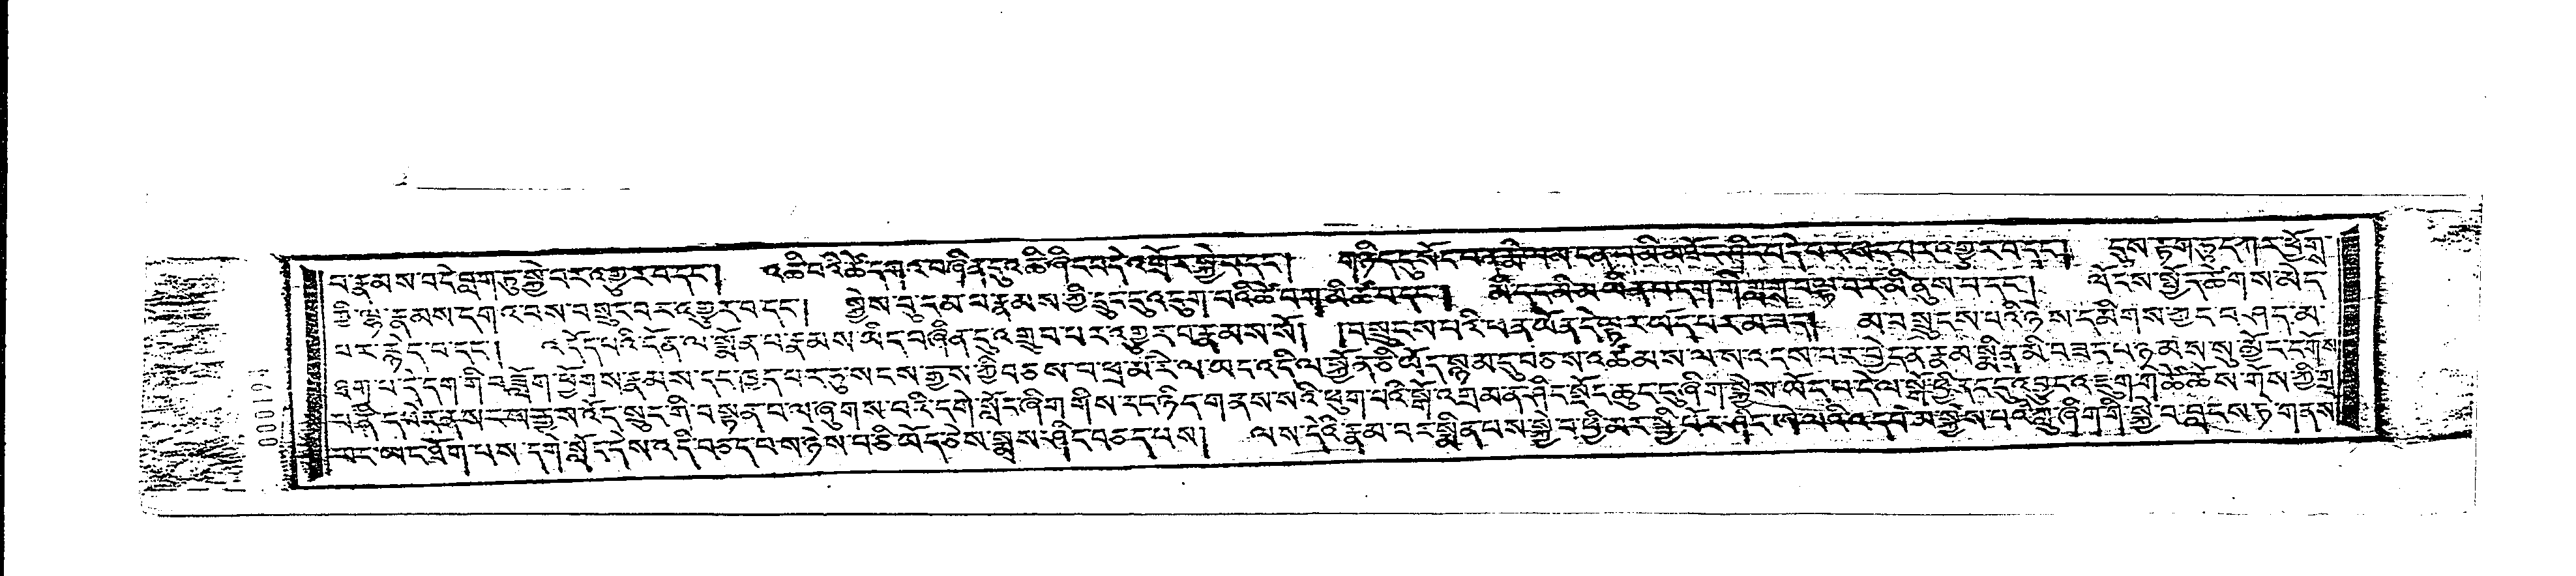པ་རྣམས་བདེ་བླག་ཏུ་སྐྱེ་བར་འགྱུར་བ་དང་། འཆི་བའི་ཚེ་དགའ་བཞིན་དུ་འཆི་ཞིང་བདེ་འགྲོར་སྐྱེ་བ་དང་། གཉིད་དུ་སོང་བ་ན་རྨི་ལམ་ངན་པ་མི་མཐོང་ཤིང་བདེ་བར་སད་པར་འགྱུར་བ་དང་། དུས་རྟག་ཏུ་དཀར་ཕྱོགས་
ཀྱི་ལྷ་རྣམས་དགའ་བས་བསྲུང་བར་འགྱུར་བ་དང་། སྐྱེས་བུ་དམ་པ་རྣམས་ཀྱི་དྲུང་དུ་འདུག་པའི་ཚེ་བག་མི་ཚ་བ་དང་། མི་དང་མི་མ་ཡིན་པ་དག་གི་གླགས་པ་ལྟ་བར་མི་ནུས་པ་དང་། ལོངས་སྤྱོད་ཚེགས་མེད་
པར་རྙེད་པ་དང་། འདོད་པའི་དོན་ལ་སྨོན་པ་རྣམས་ཡིད་བཞིན་དུ་འགྲུབ་པར་འགྱུར་བ་རྣམས་སོ། །བསྲུངས་པའི་ཕན་ཡོན་དེ་ལྟར་ཡོད་པར་མ་ཟད། མ་བསྲུངས་པའི་ཉེས་དམིགས་ཀྱང་བཤད་མ་
ཐག་པ་དེ་དག་གི་བཟློག་ཕྱོགས་རྣམས་དང་ཁྱད་པར་ཏུ་སངས་རྒྱས་ཀྱི་བཅས་པ་ཕྲ་མ་རི་ལ་ཡང་འདི་ལ་སྐྱོན་ཅི་ཡོད་སྙམ་དུ་བཅས་འཚམས་ལས་འདས་པར་བྱེད་ན་རྣམ་སྨིན་མི་བཟད་པ་ཉམས་སུ་མྱོང་དགོས་
པ་ནི་དཔེར་ན་སངས་རྒྱས་འོད་སྲུང་གི་བསྟན་པ་ལ་ཞུགས་པའི་དགེ་སློང་ཞིག་གིས་རང་ཉིད་གནས་སའི་ཕུག་པའི་སྒོ་འགྲམ་ན་ཤིང་སྡོང་ཆུང་ངུ་ཞིག་སྐྱེས་ཡོད་པ་དེ་ལ་སྒོ་ཕྱི་ནང་དུ་འབྱུང་འཇུག་གི་ཚེ་ཆོས་གོས་ཀྱི་གྲྭ་
ཡང་ཡང་ཐོག་པས་དགེ་སློང་དེས་འདི་བཅད་པས་ཉེས་པ་ཅི་ཡོད་ཅེས་སྨྲས་ཤིང་བཅད་པས། ལས་དེའི་རྣམ་པར་སྨིན་པས་སྐྱེ་བ་ཕྱི་མར་སྤྱི་བོར་ཤིང་ཨེ་ལའི་འདབ་མ་སྐྱེས་པའི་ཀླུ་ཞིག་གི་སྐྱེ་བ་བླངས་ཏེ་གནས་